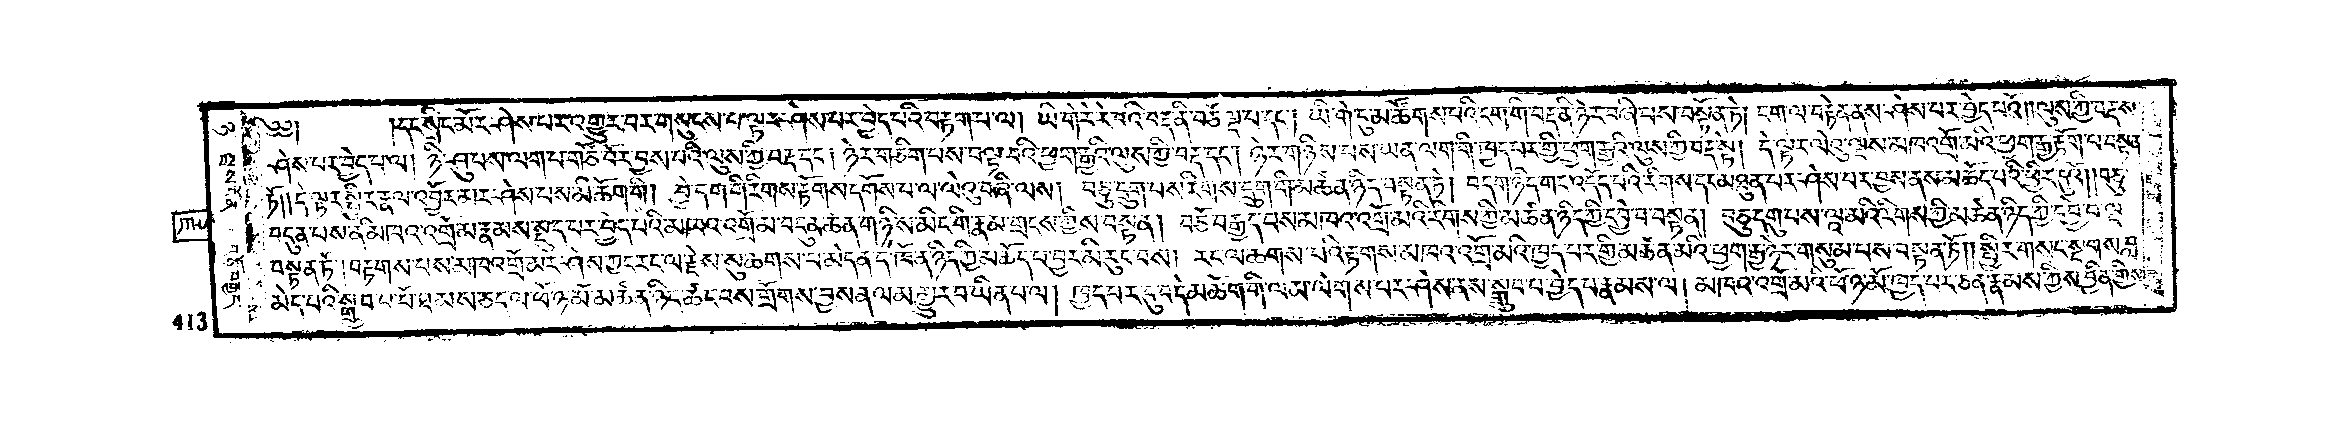༄༅། །དང་སྲིང་མོར་ཤེས་པར་འགྱུར་བར་གསུངས་པ་ལྟར་ཤེས་པར་བྱེད་པའི་བརྟག་པ་ལ། ཡི་གེ་རེ་རེ་བའི་བརྡ་ནི་བཅོ་ལྔ་པ་དང་། ཡི་གེ་དུ་མ་ཚོགས་པའི་ངག་གི་བརྡ་ནི་ཉེར་བཞི་པས་བསྟོན་ཏེ། ངག་ལ་བརྟེན་ནས་ཤེས་པར་བྱེད་པའོ། །ལུས་ཀྱི་བརྡས་
ཤེས་པར་བྱེད་པ་ལ། ཉི་ཤུ་པས་ལག་པ་གཙོ་བོར་བྱས་པའི་ལུས་ཀྱི་བརྡ་དང་། ཉེར་གཅིག་པས་བལྟ་བའི་ཕྱག་རྒྱའི་ལུས་ཀྱི་བརྡ་དང་། ཉེར་གཉིས་པས་ཡན་ལག་གི་ཁྱད་པར་གྱི་ཕྱག་རྒྱའི་ལུས་ཀྱི་བརྡ་སྟེ། དེ་ལྟར་ལེའུ་ལྔས་མཁའ་འགྲོ་མའི་ཕྱག་རྒྱ་རྟོག་པ་བསྟན་
ཏོ། །དེ་ལྟར་སྤྱིར་རྣལ་འབྱོར་མར་ཤེས་པས་མི་ཆོག་གི། བྱེ་བྲག་གི་རིགས་རྟོགས་དགོས་པ་ལ་ལེའུ་བཞི་ལས། བཅུ་དྲུག་པས་རིགས་དྲུག་གི་མཚན་ཉིད་བསྟན་ཏེ། བདག་ཉིད་གང་འདོད་པའི་རིགས་དང་མཐུན་པར་ཤེས་པར་བྱས་ནས་མཆོད་པའི་ཕྱིར་དུའོ། །བཅུ་
བདུན་པས་ནི་མཁའ་འགྲོ་མ་རྣམས་སྡུད་པར་བྱེད་པའི་མཁའ་འགྲོ་མ་བདུན་ཚན་གཉིས་མིང་གི་རྣམ་གྲངས་ཀྱིས་བསྟན། བཅོ་བརྒྱད་པས་མཁའ་འགྲོ་མའི་རིགས་ཀྱི་མཚན་ཉིད་ཀྱི་དབྱེ་བ་བསྟན། བཅུ་དགུ་པས་ལཱ་མའི་རིགས་ཀྱི་མཚན་ཉིད་ཀྱི་དབྱེ་བ་ལྔ་
བསྟན་ཏོ། །བརྟགས་པས་མཁའ་འགྲོ་མར་ཤེས་ཀྱང་རང་ལ་རྗེས་སུ་ཆགས་པ་མེད་ན་དེ་ཁོ་ན་ཉིད་ཀྱི་མཆོད་པ་བྱར་མི་རུང་བས། རང་ལ་ཆགས་པའི་རྟགས་མཁའ་གྲོ་མའི་ཁྱད་པར་གྱི་མཚོན་མའི་ཕྱག་རྒྱ་ཉེར་གསུམ་པས་བསྟན་ཏོ། །སྤྱིར་གསང་སྔགས་བླ་
མེད་པའི་སྒྲུབ་པ་པོ་ཐམས་ཅད་ལ་ཕོ་ཉ་མོ་མཚན་ཉིད་ཚང་བས་གྲོགས་བྱས་ན་ལམ་མྱུར་བ་ཡིན་པ་ལ། ཁྱད་པར་དུ་བདེ་མཆོག་གི་ལམ་ལེགས་པར་ཤེས་ནས་སྒྲུབ་པ་བྱེད་པ་རྣམས་ལ། མཁའ་འགྲོ་མའི་ཕོ་ཉ་མོ་ཁྱད་པར་ཅན་རྣམས་ཀྱིས་བྱིན་གྱིས་